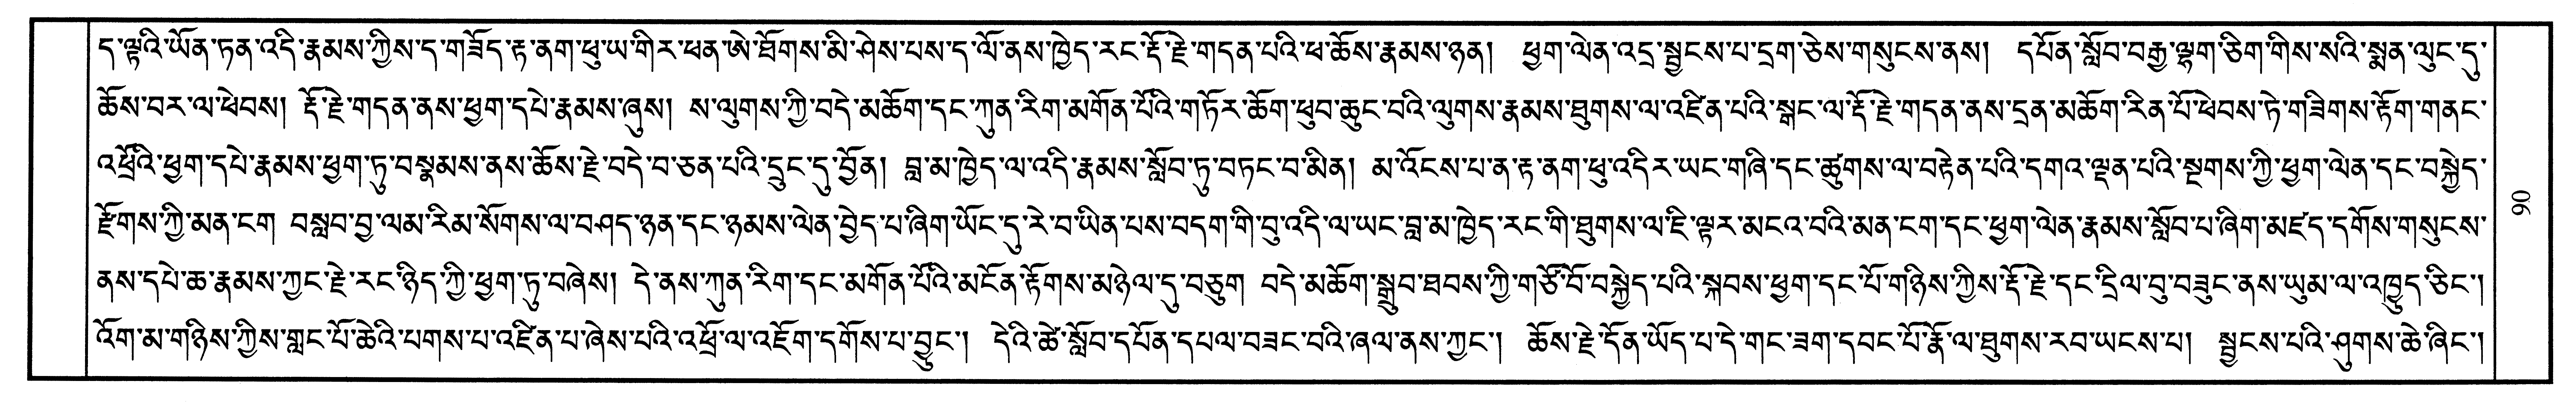ད་ལྟའི་ཡོན་ཏན་འདི་རྣམས་ཀྱིས་ད་གཟོད་རྟ་ནག་ཕུ་ཡ་གིར་ཕན་ཨེ་ཐོགས་མི་ཤེས་པས་ད་ལོ་ནས་ཁྱེད་རང་རྡོ་རྗེ་གདན་པའི་ཕ་ཆོས་རྣམས་ཉན། ཕྱག་ལེན་འདྲ་སྦྱངས་པ་དྲག་ཅེས་གསུངས་ནས། དཔོན་སློབ་བརྒྱ་ལྷག་ཅིག་གིས་སའི་སྨན་ལུང་དུ་
ཆོས་བར་ལ་ཕེབས། རྡོ་རྗེ་གདན་ནས་ཕྱག་དཔེ་རྣམས་ཞུས། ས་ལུགས་ཀྱི་བདེ་མཆོག་དང་ཀུན་རིག་མགོན་པོའི་གཏོར་ཆོག་ཕུབ་ཆུང་བའི་ལུགས་རྣམས་ཐུགས་ལ་འཛིན་པའི་སྒང་ལ་རྡོ་རྗེ་གདན་ནས་དྲན་མཆོག་རིན་པོ་ཕེབས་ཏེ་གཟིགས་རྟོག་གནང་
འཕྲོའི་ཕྱག་དཔེ་རྣམས་ཕྱག་ཏུ་བསྣམས་ནས་ཆོས་རྗེ་བདེ་བ་ཅན་པའི་དྲུང་དུ་བྱོན། བླ་མ་ཁྱེད་ལ་འདི་རྣམས་སློབ་ཏུ་བཏང་བ་མིན། མ་འོངས་པ་ན་རྟ་ནག་ཕུ་འདིར་ཡང་གཞི་དང་ཚུགས་ལ་བརྟེན་པའི་དགའ་ལྡན་པའི་སྔགས་ཀྱི་ཕྱག་ལེན་དང་བསྐྱེད་
རྫོགས་ཀྱི་མན་ངག། བསླབ་བྱ་ལམ་རིམ་སོགས་ལ་བཤད་ཉན་དང་ཉམས་ལེན་བྱེད་པ་ཞིག་ཡོང་དུ་རེ་བ་ཡིན་པས་བདག་གི་བུ་འདི་ལ་ཡང་བླ་མ་ཁྱེད་རང་གི་ཐུགས་ལ་ཇི་ལྟར་མངའ་བའི་མན་ངག་དང་ཕྱག་ལེན་རྣམས་སློབ་པ་ཞིག་མཛད་དགོས་གསུངས་
ནས་དཔེ་ཆ་རྣམས་ཀྱང་རྗེ་རང་ཉིད་ཀྱི་ཕྱག་ཏུ་བཞེས། དེ་ནས་ཀུན་རིག་དང་མགོན་པོའི་མངོན་རྟོགས་མཉེལ་དུ་བཅུག །བདེ་མཆོག་སྒྲུབ་ཐབས་ཀྱི་གཙོ་བོ་བསྐྱེད་པའི་སྐབས་ཕྱག་དང་པོ་གཉིས་ཀྱིས་རྡོ་རྗེ་དང་དྲིལ་བུ་བཟུང་ནས་ཡུམ་ལ་འཁྱུད་ཅིང་།
འོག་མ་གཉིས་ཀྱིས་གླང་པོ་ཆེའི་པགས་པ་འཛིན་པ་ཞེས་པ་འཕྲོ་ལ་འཇོག་དགོས་པ་བྱུང་། དེའི་ཚེ་སློབ་དཔོན་དཔལ་བཟང་བའི་ཞལ་ནས་ཀྱང་། ཆོས་རྗེ་དོན་ཡོད་པ་དེ་གང་ཟག་དབང་པོ་རྣོ་ལ་ཐུགས་རབ་ཡངས་པ། སྦྱངས་པའི་ཤུགས་ཆེ་ཞིང་།